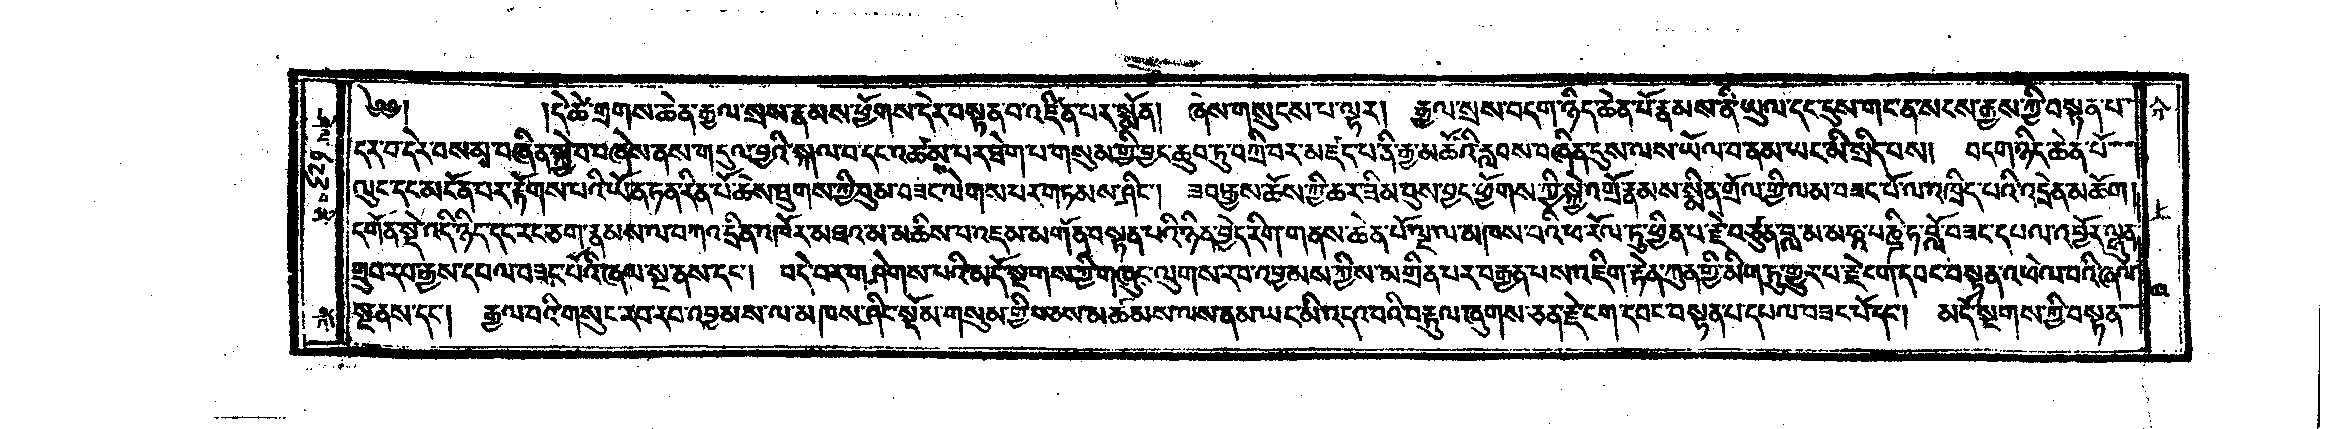༄༅། །དེ་ཚེ་གྲགས་ཆེན་རྒྱལ་སྲས་རྣམས་ཕྱོགས་དེར་བསྟན་པ་འཛིན་པར་སྨོན། ཞེས་གསུངས་པ་ལྟར། རྒྱལ་སྲས་བདག་ཉིད་ཆེན་པོ་རྣམས་ནི་ཡུལ་དང་དུས་གང་ན་སངས་རྒྱས་ཀྱི་བསྟན་པ་
དར་བ་དེར་བསམས་བཞིན་སྐྱེ་བ་བཞེས་ནས་གདུལ་བྱའི་སྐལ་བ་དང་འཚམས་པར་ཐེག་པ་གསུམ་གྱི་བྱང་ཆུབ་ཏུ་བཀྲི་བར་མཛད་པ་ནི་རྒྱ་མཚོའི་རླབས་བཞིན་དུས་ལས་ཡོལ་བ་ནམ་ཡང་མི་སྲིད་པས། བདག་ཉིད་ཆེན་པོ་
ལུང་དང་མངོན་པར་རྟོགས་པའི་ཡོན་ཏན་རིན་པོ་ཆེས་ཐུགས་ཀྱི་བུམ་བཟང་ལེགས་པར་གཏམས་ཤིང་། ཟབ་རྒྱས་ཆོས་ཀྱི་ཆར་ཟིམ་བུས་བྱང་ཕྱོགས་ཀྱི་སྐྱེ་འགྲོ་རྣམས་སྨིན་གྲོལ་གྱི་ལམ་བཟང་པོ་ལ་འཁྲིད་པའི་འདྲེན་མཆོག་
དགོན་སྡེ་འདི་ཉིད་དང་རང་ཅག་རྣམས་ལ་བཀའ་དྲིན་འཁོར་མཐའ་མ་མཆིས་པ་འཇམ་མགོན་བསྟན་པའི་ཉིན་བྱེད་རིག་གནས་ཆེན་པོ་ལྔ་ལ་མཁས་པའི་ཕ་རོལ་ཏུ་ཕྱིན་པ་རྗེ་བཙུན་བླ་མ་མཧཱ་པཎྜི་ཏ་བློ་བཟང་དཔལ་འབྱོར་ལྷུན་
གྲུབ་རབ་རྒྱས་དཔལ་བཟང་པོའི་ཞལ་སྔ་ནས་དང་། བདེ་བར་གཤེགས་པའི་མདོ་སྔགས་ཀྱི་གཞུང་ལུགས་རབ་འབྱམས་ཀྱིས་མགྲིན་པར་བརྒྱན་པས་འཇིག་རྟེན་ཀུན་གྱི་མིག་ཏུ་གྱུར་པ་རྗེ་ངག་དབང་བསྟན་འཕེལ་བའི་ཞལ་
སྔ་ནས་དང་། རྒྱལ་བའི་གསུང་རབ་རབ་འབྱམས་ལ་མཁས་ཤིང་སྡོམ་གསུམ་གྱི་བཅས་མཚམས་ལས་ནམ་ཡང་མི་འདའ་བའི་བརྟུལ་ཞུགས་ཅན་རྗེ་ངག་དབང་བསྟན་པ་དཔལ་བཟང་པོ་དང་། མདོ་སྔགས་ཀྱི་བསྟན་